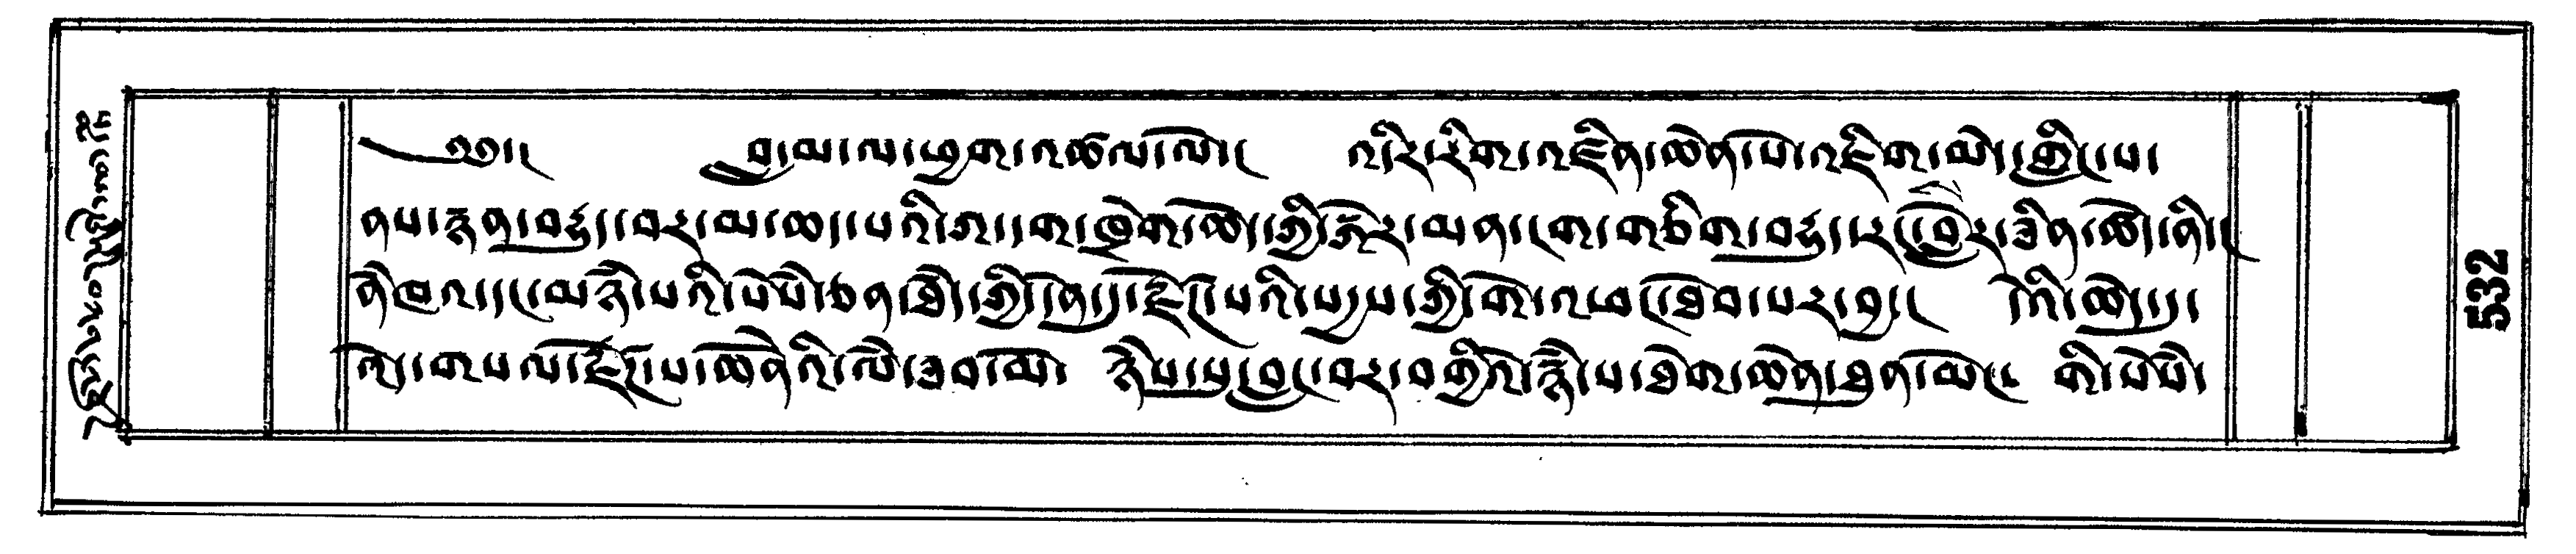༄༅། བླ་མ་ལ་ཕྱག་འཚལ་ལོ། འདིར་རིག་འཛིན་ཆེན་པོ་འཇིགས་མེད་གླིང་པ་
ནས་སྙན་བརྒྱུད་བར་མ་ཆད་པའི་ཀ་དག་ཁྲེགས་ཆོད་ཀྱི་སྐོར་མན་ངག་གཅིག་བརྒྱུད་རང་བློར་ཟིན་ཚོད་ནི། 
ནམ་མཁའ་དང་མཉམ་པའི་སེམས་ཅན་ཐམས་ཅད་ཀྱི་དོན་དུ་རྫོགས་པའི་སངས་རྒྱས་ཀྱི་གོ་འཕང་ཐོབ་པར་བྱ། དེའི་ཆེད་དུ་
འོད་གསལ་རྫོགས་པ་ཆེན་པོའི་ལམ་ཟབ་མོ་ཉམས་སུ་བླང་བར་བགྱིའོ་སྙམ་པ་ཐེག་ཆེན་ཐུན་མོང་གི་སེམས་